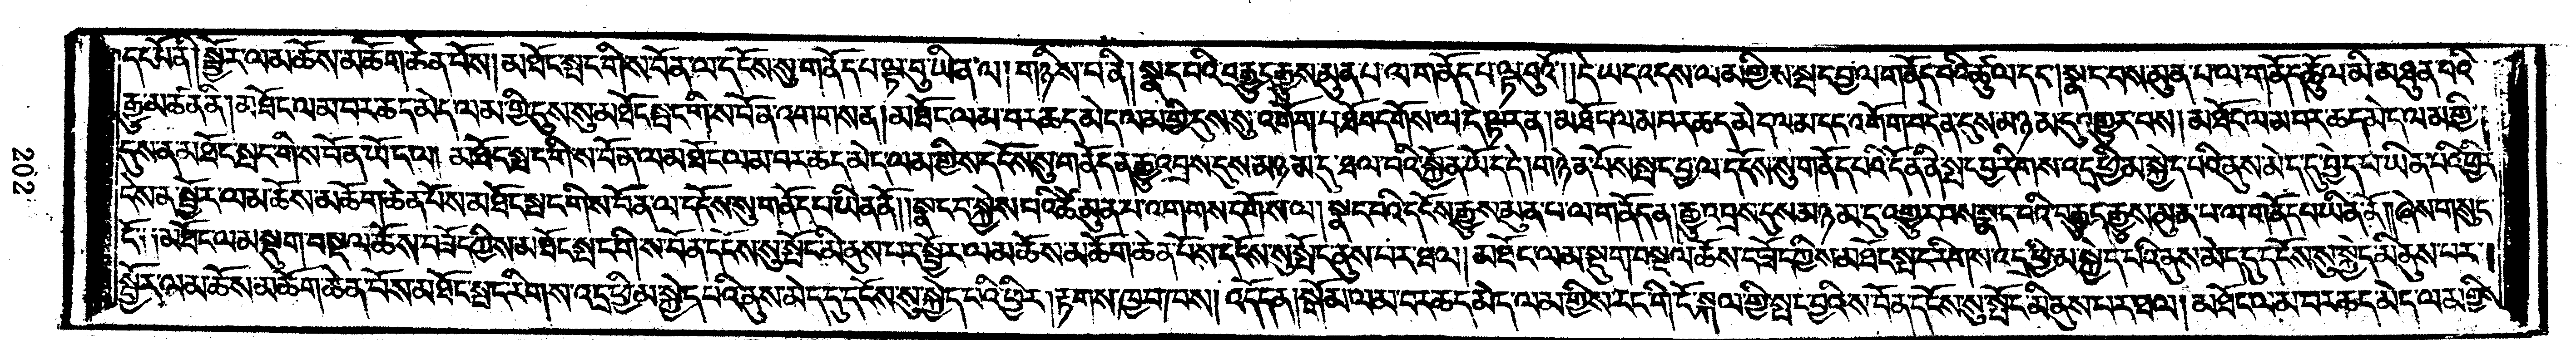དང་པོ་ནི། སྦྱོར་ལམ་ཆོས་མཆོག་ཆེན་པོས། མཐོང་སྤང་གི་ས་བོན་ལ་དངོས་སུ་གནོད་པ་ལྟ་བུ་ཡིན་ལ། གཉིས་པ་ནི། སྣང་བའི་བརྒྱུད་རྒྱུས་མུན་པ་ལ་གནོད་པ་ལྟ་བུའོ། །དེ་ཡང་འདས་ལམ་གྱིས་སྤང་བྱ་ལ་གནོད་པའི་ཚུལ་དང་། སྣང་བས་མུན་པ་ལ་གནོད་ཚུལ་མི་མཐུན་པའི་
རྒྱུ་མཚན་ནི། མཐོང་ལམ་བར་ཆད་མེད་ལམ་གྱི་དུས་སུ་མཐོང་སྤང་གི་ས་བོན་འགགས་ན། མཐོང་ལམ་བར་ཆད་མེད་ལམ་གྱི་དུས་སུ་འགོག་པ་ཐོབ་དགོས་ལ་དེ་ལྟར་ན། མཐོང་ལམ་པར་ཆད་མེད་ལམ་དང་འགོག་བདེན་དུས་མཉམ་དུ་འགྱུར་བས། མཐོང་ལམ་བར་ཆད་མེད་ལམ་གྱི་
དུས་ན་མཐོང་སྤང་གི་ས་བོན་ཡོད་ལ། མཐོང་སྤང་གི་ས་བོན་ལ་མཐོང་ལམ་བར་ཆད་མེད་ལམ་གྱིས་དངོས་སུ་གནོད་ན་རྒྱུ་འབྲས་དུས་མཉམ་དུ་ཐལ་བའི་སྐྱོན་ཡོད་དེ། གཉེན་པོས་སྤང་བྱ་ལ་དངོས་སུ་གནོད་པའི་དོན་ནི་སྤང་བྱ་རིགས་འདྲ་ཕྱི་མ་སྐྱེད་པའི་ནུས་མེད་དུ་བྱེད་པ་ཡིན་པའི་ཕྱིར།
དེས་ན་སྦྱོར་ལམ་ཆོས་མཆོག་ཆེན་པོས་མཐོང་སྤང་གི་ས་བོན་ལ་དངོས་སུ་གནོད་པ་ཡིན་ནོ། །སྣང་བ་སྐྱེས་པའི་ཚེ་མུན་པ་འགགས་དགོས་ལ། སྣང་བའི་དངོས་རྒྱུས་མུན་པ་ལ་གནོད་ན། རྒྱུ་འབྲས་དུས་མཉམ་དུ་འགྱུར་བས་སྣང་བའི་བརྒྱུད་རྒྱུས་མུན་པ་ལ་གནོད་པ་ཡིན་ནོ། །ཞེས་གསུང་
ངོ༑ ༑མཐོང་ལམ་སྡུག་བསྔལ་ཆོས་བཟོད་ཀྱིས་མཐོང་སྤང་གི་ས་བོན་དངོས་སུ་སྤོང་མི་ནུས་པར་སྦྱོར་ལམ་ཆོས་མཆོག་ཆེན་པོས་དངོས་སུ་སྤོང་ནུས་པར་ཐལ། མཐོང་ལམ་སྡུག་བསྔལ་ཆོས་བཟོད་ཀྱིས་མཐོང་སྤང་རིགས་འདྲ་ཕྱི་མ་སྐྱེད་པའི་ནུས་མེད་དུ་དངོས་སུ་སྐྱེད་མི་ནུས་པར་
སྦྱོར་ལམ་ཆོས་མཆོག་ཆེན་པོས་མཐོང་སྤང་རིགས་འདྲ་ཕྱི་མ་སྐྱེད་པའི་ནུས་མེད་དུ་དངོས་སུ་སྐྱེད་པའི་ཕྱིར། རྟགས་ཁྱབ་ཁས། འདོད་ན། སྒོམ་ལམ་བར་ཆད་མེད་ལམ་གྱིས་རང་གི་ངོ་སྐལ་གྱི་སྤང་བྱའི་ས་བོན་དངོས་སུ་སྤོང་མི་ནུས་པར་ཐལ། མཐོང་ལམ་བར་ཆད་མེད་ལམ་གྱིས་